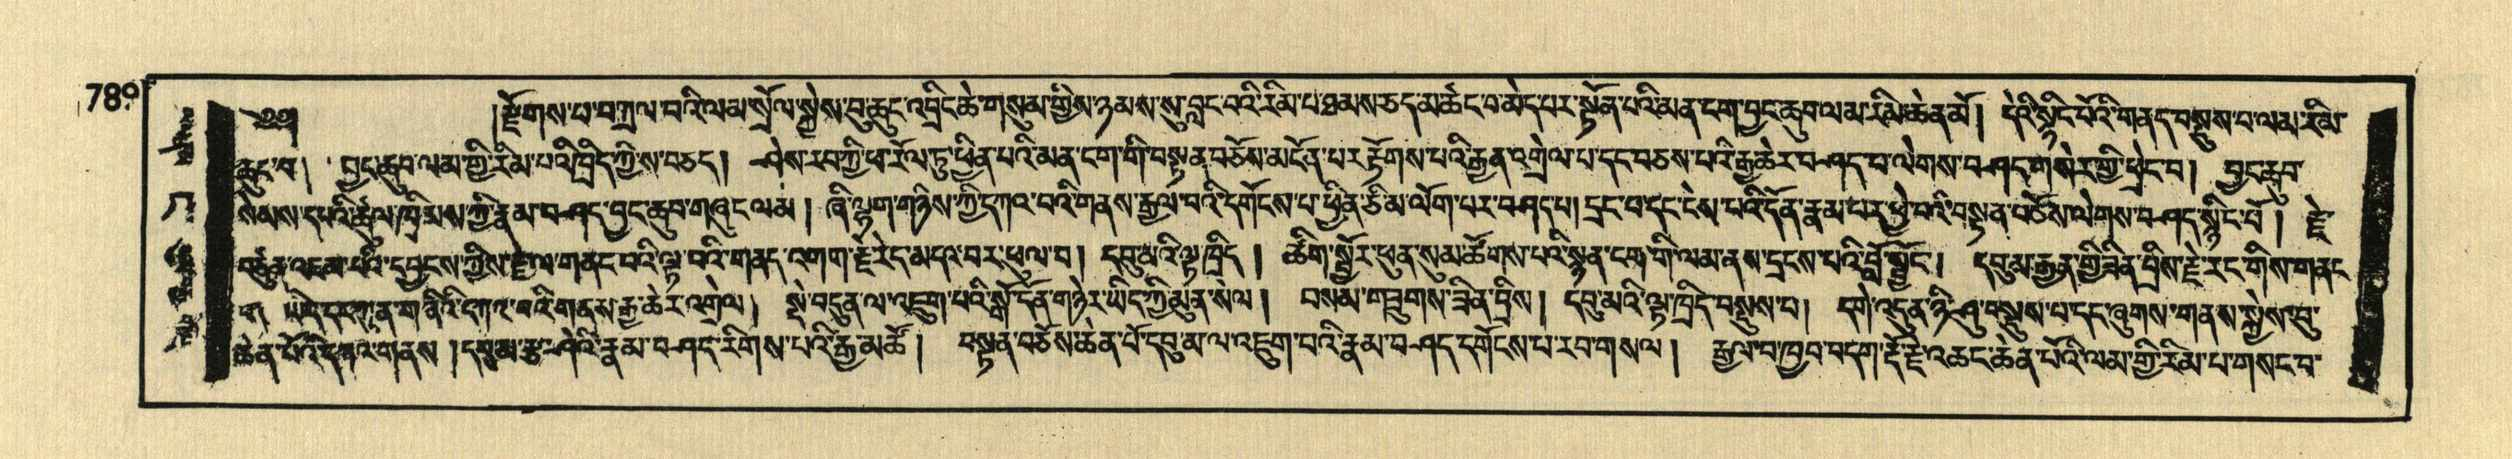༄༅། །རྫོགས་པ་བཀྲལ་བའི་ལམ་སྲོལ་སྐྱེས་བུ་ཆུང་འབྲིང་ཆེ་གསུམ་གྱིས་ཉམས་སུ་བླང་བའི་རིམ་པ་ཐམས་ཅད་མཚང་བ་མེད་པར་སྟོན་པའི་མན་ངག་བྱང་ཆུབ་ལམ་རིམ་ཆེན་མོ། དེའི་སྙིང་པོའི་གནད་བསྡུས་པ་ལམ་རིམ་
ཆུང་བ། བྱང་ཆུབ་ལམ་གྱི་རིམ་པའི་ཁྲིད་ཀྱི་ས་བཅད། ཤེས་རབ་ཀྱི་ཕ་རོལ་ཏུ་ཕྱིན་པའི་མན་ངག་གི་བསྟན་བཅོས་མངོན་པར་རྟོགས་པའི་རྒྱན་འགྲེལ་པ་དང་བཅས་པའི་རྒྱ་ཆེར་བཤད་པ་ལེགས་བཤད་གསེར་གྱི་ཕྲེང་བ། བྱང་ཆུབ་
སེམས་དཔའི་ཚུལ་ཁྲིམས་ཀྱི་རྣམ་བཤད་བྱང་ཆུབ་གཞུང་ལམ། ཞི་ལྷག་གཉིས་ཀྱི་དཀའ་བའི་གནས་རྒྱལ་བའི་དགོངས་པ་ཕྱིན་ཅི་མ་ལོག་པར་བཤད་པ། དྲང་བ་དང་ངེས་པའི་དོན་རྣམ་པར་ཕྱེ་བའི་བསྟན་བཅོས་ལེགས་བཤད་སྙིང་པོ། རྗེ་
བཙུན་འཇམ་པའི་དབྱངས་ཀྱིས་རྗེ་ལ་གནང་བའི་ལྟ་བའི་གནད་འགག་རྗེ་རེད་མདའ་བར་ཕུལ་བ། དབུ་མའི་ལྟ་ཁྲིད། ཚིག་སྦྱོར་ཕུན་སུམ་ཚོགས་པའི་སྙན་ངག་གི་ལམ་ནས་དྲངས་པའི་བློ་སྦྱོང་། དབུ་མ་རྒྱན་གྱི་ཟིན་བྲིས་རྗེ་རང་གིས་གནང་
བ༑ ཡིད་དང་ཀུན་གཞིའི་དཀའ་བའི་གནས་རྒྱ་ཆེར་འགྲེལ། སྡེ་བདུན་ལ་འཇུག་པའི་སྒོ་དོན་གཉེར་ཡིད་ཀྱི་མུན་སེལ། བསམ་གཟུགས་ཟིན་བྲིས། དབུ་མའི་ལྟ་ཁྲིད་བསྡུས་པ། དགེ་འདུན་ཉི་ཤུ་བསྡུས་པ་དང་ཞུགས་གནས་སྐྱེས་བུ་
ཆེན་པོའི་དཀའ་གནས་།དབུ་མ་རྩ་ཤེའི་རྣམ་བཤད་རིགས་པའི་རྒྱ་མཚོ། བསྟན་བཅོས་ཆེན་པོ་དབུ་མ་ལ་འཇུག་པའི་རྣམ་བཤད་དགོངས་པ་རབ་གསལ། རྒྱལ་བ་ཁྱབ་བདག་རྡོ་རྗེ་འཆང་ཆེན་པོའི་ལམ་གྱི་རིམ་པ་གསང་བ་